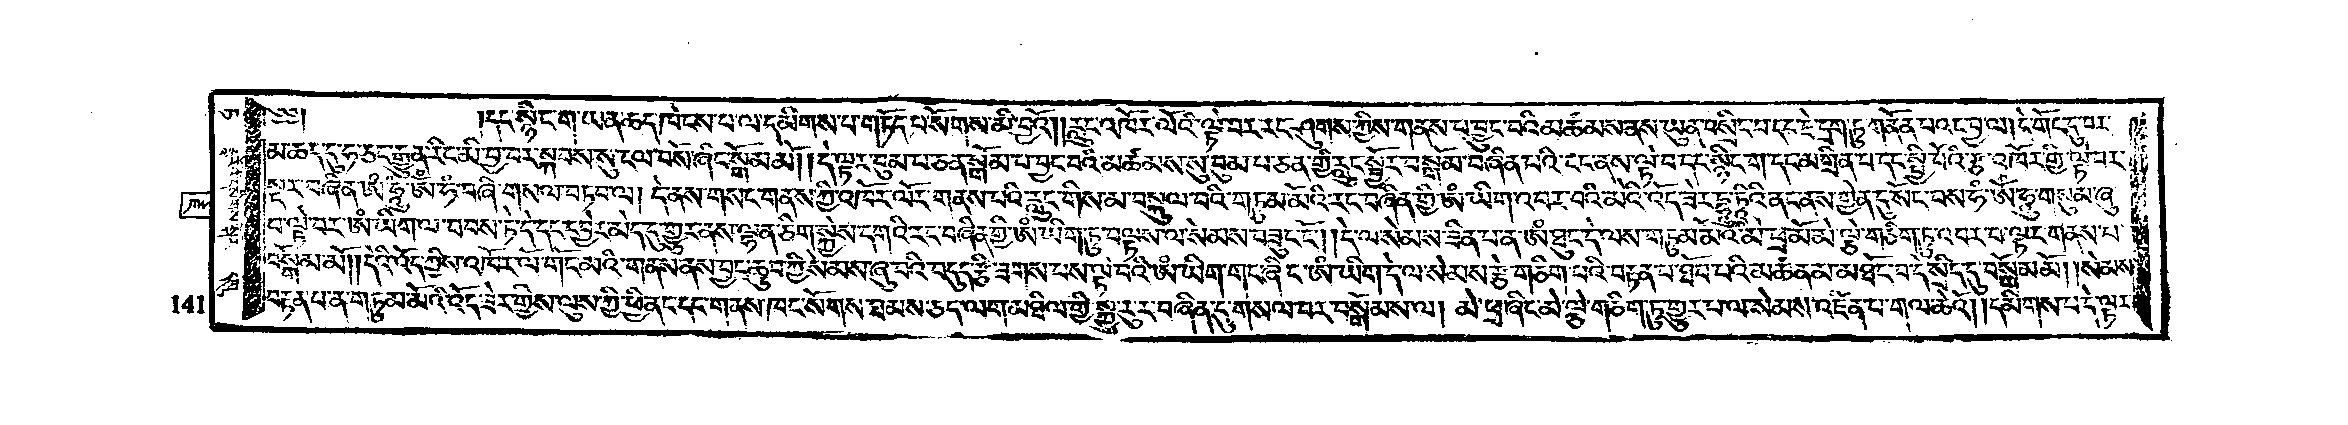༄༅། །དང་སྙིང་ག་ཡན་ཆད་ཁེངས་པ་ལ་དམིགས་པ་གཏོད་པ་སོགས་མི་བྱའོ། །རླུང་འཁོར་ལོའི་ལྟེ་བར་རང་ཤུགས་ཀྱིས་གནས་པ་བྱུང་བའི་མཚམས་ནས་ཡུན་བསྲིང་བ་དང་ཇེ་དྲག་ཏུ་གནོན་པའང་བྱ་ལ། དེ་གོང་དུ་བར་
མ་ཆད་དུ་ཧ་ཅང་རྒྱུན་རིང་མི་བྱ་བར་སྐབས་སུ་ངལ་བསོ་ཞིང་སྒོམ་མོ། །དེ་ལྟར་བུམ་པ་ཅན་སྒོམ་པ་བྱང་བའི་མཚམས་སུ་བུམ་པ་ཅན་གྱི་རླུང་སྦྱོར་བསྒོམ་བཞིན་པའི་ངང་ནས་ལྟེ་བ་དང་སྙིང་ག་དང་མགྲིན་པ་དང་སྤྱི་བོའི་རྩ་འཁོར་གྱི་ལྟེ་བར་
སྔར་བཞིན་ཨཾ་ཧཱུཾ་ཨོཾ་ཧཾ་བཞི་གསལ་བཏབ་ལ། དེ་ནས་གསང་གནས་ཀྱི་འཁོར་ལོར་གནས་པའི་རླུང་གིས་མ་བསྐུལ་བའི་གཏུམ་མོའི་རང་བཞིན་གྱི་ཨཾ་ཡིག་འབར་བའི་མེའི་འོད་ཟེར་དྷཱུ་ཏཱིའི་ནང་ནས་གྱེན་དུ་སོང་བས་ཧཾ་ཨོཾ་ཧཱུ་གསུམ་ཞུ་
བ་ལྟེ་བར་ཨཾ་ཡིག་ལ་བབས་ཏེ་དེ་དང་དབྱེར་མེད་དུ་གྱུར་ནས་ལྷན་ཅིག་སྐྱེས་དགའི་རང་བཞིན་གྱི་ཨཾ་ཡིག་ཏུ་བལྟས་ལ་སེམས་བཟུང་ངོ། །དེ་ལ་སེམས་ཟིན་པ་ན་ཨཾ་ཐུང་དེ་ལས་གཏུམ་མོའི་མེ་ཕྲ་མོ་མེ་ལྕེ་གཅིག་ཏུ་འབར་བ་ལྟར་གནས་པར་
བསྒོམ་མོ། །དེའི་འོད་ཀྱིས་འཁོར་ལོ་གོང་མའི་གནས་ནས་བྱང་ཆུབ་ཀྱི་སེམས་ཞུ་བའི་བདུད་རྩི་ཟགས་པས་ལྟེ་བའི་ཨཾ་ཡིག་གང་ཞིང་ཨཾ་ཡིག་དེ་ལ་སེམས་རྩེ་གཅིག་པའི་བརྟན་པ་ཐོབ་པའི་མཚན་མ་མཐོང་བ་དེ་སྲིད་དུ་བསྒོམ་མོ། །སེམས་
བརྟན་པ་ན་གཏུམ་མོའི་འོད་ཟེར་གྱིས་ལུས་ཀྱི་ཕྱི་ནང་དང་གནས་ཁང་སོགས་ཐམས་ཅད་ལག་མཐིལ་གྱི་སྐྱུ་རུ་ར་བཞིན་དུ་གསལ་བར་བསྒོམས་ལ། མེ་ཕྲ་ཞིང་མེ་ལྕེ་གཅིག་ཏུ་གྱུར་པ་ལ་སེམས་འཛིན་པ་གལ་ཆེའོ། །དམིགས་པ་དེ་ལྟར་